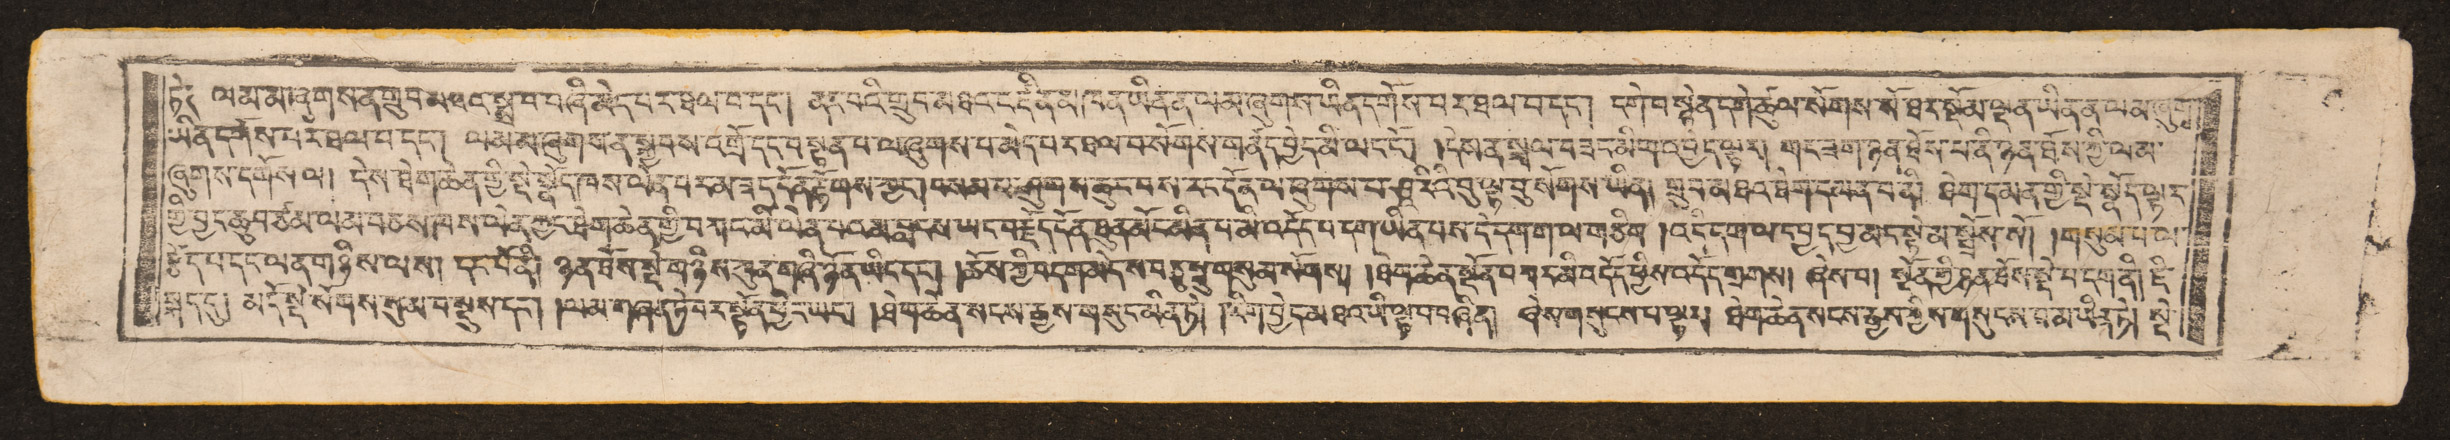ཏེ༑ ལམ་མ་ཞུགས་ན་གྲུབ་མཐའ་སྨྲ་བ་བཞི་མེད་པར་ཐལ་བ་དང་། ནང་བའི་གྲུབ་མཐའ་འཛིན་མཁན་ཡིན་ན་ལམ་ཞུགས་ཡིན་དགོས་པར་ཐལ་བ་དང་། དགེ་བསྙེན་དགེ་ཚུལ་སོགས་སོ་ཐར་སྡོམ་ལྡན་ཡིན་ན་ལམ་ཞུགས་
ཡིན་དགོས་པར་ཐལ་པ་དང་། ལམ་མ་ཞུགས་ན་སྐྱབས་འགྲོ་དང་བསྟན་པ་ལ་ཞུགས་པ་མེད་པར་ཐལ་བ་སོགས་གནོད་བྱེད་མི་ལང་ངོ། །དེས་ན་སྐལ་བཟང་མིག་འབྱེད་ལྟར། གང་ཟག་ཉན་ཐོས་པ་ནི་ཉན་ཐོས་ཀྱི་ལམ་
ཞུགས་དགོས་ལ། དེས་ཐེག་ཆེན་གྱི་སྡེ་སྣོད་ཁས་ལེན་པར་མ་ཟད་དོན་རྟོགས་ཀྱང་། བསམ་པ་ཤུགས་ཆུང་བས་རང་དོན་ལ་ཞུགས་པ་ཤཱ་རིའི་བུ་ལྟ་བུ་སོགས་ཡིན། གྲུབ་མཐའ་ཐེག་དམན་པ་ནི། ཐེག་དམན་གྱི་སྡེ་སྣོད་ལྟར་
གྱི་བྱང་ཆུབ་ཙམ་ལམ་བཅས་ཁས་ལེན་ཀྱང་ཐེག་ཆེན་གྱི་བཀའ་མི་ལེན་པའམ་བླངས་ཡང་བརྗོད་དོན་ཐུན་མོང་མིན་པ་མི་འདོད་པ་དག་ཡིན་པས་དེ་དག་ག་ལ་གཅིག །འདི་དག་ལ་དབྱད་བྱ་མང་སྟེ་མ་སྤྲོས་སོ། །གསུམ་པ་ལ་
རྩོད་པ་དང་ལན་གཉིས་ལས། དང་པོ་ནི། ཉན་ཐོས་སྡེ་གཉིས་ཀུན་གཞི་ཉོན་ཡིད་དང་། །ཆོས་ཀྱི་བདག་མེད་ས་བཅུ་སྐུ་གསུམ་སོགས། །ཐེག་ཆེན་སྔོན་བཀར་མི་འདོད་ཕྱིས་འདོད་གྲགས། ཞེས་པ། སྔོན་གྱི་ཉན་ཐོས་སྡེ་པ་དག་ནི། ཇི་
སྐད་དུ། མདོ་སྡེ་སོགས་སུ་མ་བསྡུས་དང་། །ལམ་གཞན་ཉེ་བར་སྟོན་ཕྱིར་ཡང་། །ཐེག་ཆེན་སངས་རྒྱས་གསུང་མིན་ཏེ། །རིག་བྱེད་མཐའ་ཡི་ལྟ་བ་བཞིན། ཞེས་གསུངས་པ་ལྟར། ཐེག་ཆེན་སངས་རྒྱས་ཀྱིས་གསུངས་པ་མ་ཡིན་ཏེ། སྡེ་